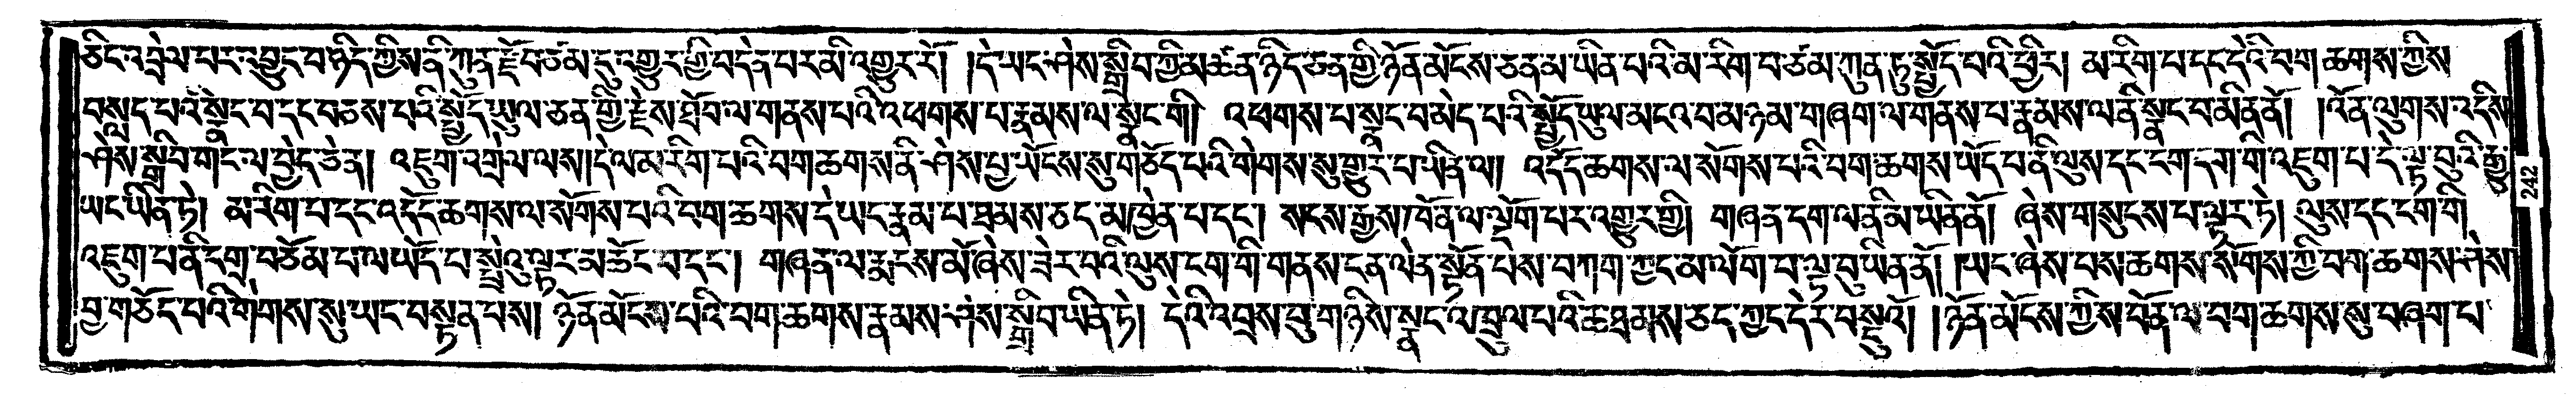ཅིང་འབྲེལ་པར་འབྱུང་བ་ཉིད་ཀྱིས་ནི་ཀུན་རྫོབ་ཙམ་དུ་འགྱུར་གྱི་བདེན་པར་མི་འགྱུར་རོ། །དེ་ཡང་ཤེས་སྒྲིབ་ཀྱི་མཚན་ཉིད་ཅན་གྱི་ཉོན་མོངས་ཅན་མ་ཡིན་པའི་མ་རིག་པ་ཙམ་ཀུན་ཏུ་སྤྱོད་པའི་ཕྱིར། མ་རིག་པ་དང་དེའི་བག་ཆགས་ཀྱིས་
བསླད་པའི་སྣང་བ་དང་བཅས་པའི་སྤྱོད་ཡུལ་ཅན་གྱི་རྗེས་ཐོབ་ལ་གནས་པའི་འཕགས་པ་རྣམས་ལ་སྣང་གི། འཕགས་པ་སྣང་བ་མེད་པའི་སྤྱོད་ཡུལ་མངའ་བ་མཉམ་གཞག་ལ་གནས་པ་རྣམས་ལ་ནི་སྣང་བ་མིན་ནོ། །འོ་ན་ལུགས་འདིས་
ཤེས་སྒྲིབ་གང་ལ་བྱེད་ཅེ་ན། འཇུག་འགྲེལ་ལས། དེ་ལ་མ་རིག་པའི་བག་ཆགས་ནི་ཤེས་བྱ་ཡོངས་སུ་གཅོད་པའི་གེགས་སུ་གྱུར་པ་ཡིན་ལ། འདོད་ཆགས་ལ་སོགས་པའི་བག་ཆགས་ཡོད་པ་ནི་ལུས་དང་ངག་དག་གི་འཇུག་པ་དེ་ལྟ་བུའི་རྒྱུ་
ཡང་ཡིན་ཏེ། མ་རིག་པ་དང་འདོད་ཆགས་ལ་སོགས་པའི་བག་ཆགས་དེ་ཡང་རྣམ་པ་ཐམས་ཅད་མཁྱེན་པ་དང་། སངས་རྒྱས་ཁོ་ན་ལ་ལྡོག་པར་འགྱུར་གྱི། གཞན་དག་ལ་ནི་མ་ཡིན་ནོ། ཞེས་གསུངས་པ་ལྟར་ཏེ། ལུས་དང་ངག་གི་
འཇུག་པ་ནི་དགྲ་བཅོམ་པ་ལ་ཡོད་པ་སྤྲེའུ་ལྟར་མཆོང་བ་དང་། གཞན་ལ་རྨངས་མོ་ཞེས་ཟེར་བའི་ལུས་ངག་གི་གནས་ངན་ལེན་སྟོན་པས་བཀག་ཀྱང་མ་ལོག་པ་ལྟ་བུ་ཡིན་ནོ། །ཡང་ཞེས་པས་ཆགས་སོགས་ཀྱི་བག་ཆགས་ཤེས་
བྱ་གཅོད་པའི་གེགས་སུ་ཡང་བསྟན་པས། ཉོན་མོངས་པའི་བག་ཆགས་རྣམས་ཤེས་སྒྲིབ་ཡིན་ཏེ། དེའི་འབྲས་བུ་གཉིས་སྣང་འཁྲུལ་པའི་ཆ་ཐམས་ཅད་ཀྱང་དེར་བསྡུའོ། །ཉོན་མོངས་ཀྱི་ས་བོན་ལ་བག་ཆགས་སུ་བཞག་པ་